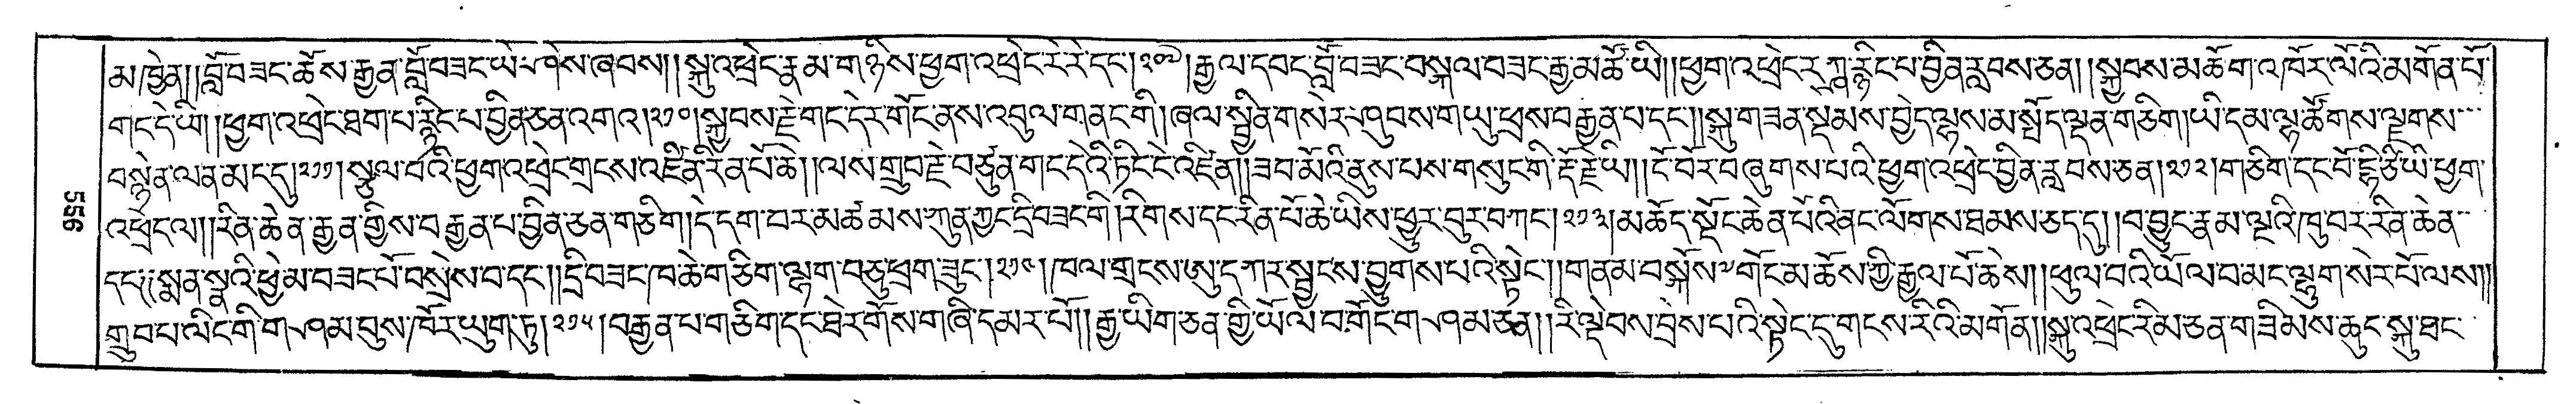མཁྱེན། །བློ་བཟང་ཆོས་རྒྱན་བློ་བཟང་ཡེ་ཤེས་ཞབས། །སྐུ་འཕྲེང་རྣམ་གཉིས་ཕྱག་འཕྲེང་རེ་རེ་དང་། ༢༠༧་༑རྒྱལ་དབང་བློ་བཟང་བསྐལ་བཟང་རྒྱ་མཚོ་ཡི། །ཕྱག་འཕྲེང་རཀྵ་རྙིང་པ་བྱིན་རླབས་ཅན། །སྐྱབས་མཆོག་འཁོར་ལོའི་མགོན་པོ་
གང་དེ་ཡི། །ཕྱག་འཕྲེད་ཐག་པ་རྙིང་པ་བྱིན་ཅན་འགའ། ༢༡༠་།སྐྱབས་རྗེ་གང་དེར་གོང་ནས་འབུལ་གནང་གི། ཞལ་སྦྱིན་གསེར་ཤུབས་གཡུ་ཕྲས་བརྒྱན་པ་དང་། །སྐུ་གཟན་སྡེམས་བྱེད་ལྷས་མ་སྦོད་ལྡན་གཅིག །ཡི་དམ་ལྷ་ཚོགས་ལྗགས་
བསྙེན་ལན་མང་དུ། ༢༡༡་།སྩལ་བའི་ཕྱག་འཕྲེང་གྲངས་འཛིན་རིན་པོ་ཆེ། །ལས་གྲུབ་རྗེ་བཙུན་གང་དེའི་ཏིང་ངེ་འཛིན། །ཟབ་མོའི་ནུས་པས་གསུང་གི་རྡོ་རྗེ་ཡི། །ངོ་བོར་བཞུགས་པའི་ཕྱག་འཕྲེང་བྱིན་རླབས་ཅན། ༢༡༢་།གཅིག་དང་བོ་དྷི་ཅི་ཡི་ཕྱག་
འཕྲེང་ལ། །རིན་ཆེན་རྒྱན་གྱིས་བརྒྱན་པ་བྱིན་ཅན་གཅིག །དེ་དག་བར་མཚམས་ཀུན་ཀྱང་དྲི་བཟང་གི། །རིགས་དང་རིན་པོ་ཆེ་ཡིས་ཕྱུར་བུར་བཀང་། ༢༡༣་།མཆོད་སྡོང་ཆེན་པོའི་ནང་ལོགས་ཐམས་ཅད་དུ། །བ་བྱུང་རྣམ་ལྔའི་ཁུ་བར་རིན་ཆེན་
དང༑ ༑སྨན་སྣའི་ཕྱེ་མ་བཟང་པོ་བསྲེས་པ་དང་། །དྲི་བཟང་ཁ་ཆེ་གཅིག་ལྷག་བཅུ་ཕྲག་ཟུང་། ༢༡༤་།ཁལ་གྲངས་ཨུ་དཀར་སྦྱངས་བྱུགས་པའི་སྟེང་། །གནམ་བསྐོས་༧་གོང་མ་ཆོས་ཀྱི་རྒྱལ་པོ་ཆེས། །ཕུལ་བའི་ཡོལ་བ་མང་ལྷུག་སེར་པོ་ལས། །
གྲུབ་པ་ལིང་གི་གཤམ་བུས་ཁོར་ཡུག་ཏུ། ༢༡༥་།བརྒྱན་པ་གཅིག་དང་ཐེར་གོས་གཞི་དམར་པོ། །རྒྱ་ཡིག་ཅན་གྱི་ཡོལ་བ་གོང་གཤམ་ཅན། །རི་ལྡེབས་བྲེས་པའི་སྟེང་དུ་གངས་རིའི་མགོན། །སྐུ་འཕྲེང་རིམ་ཅན་གཟིམས་ཆུང་སྐུ་ཐང་